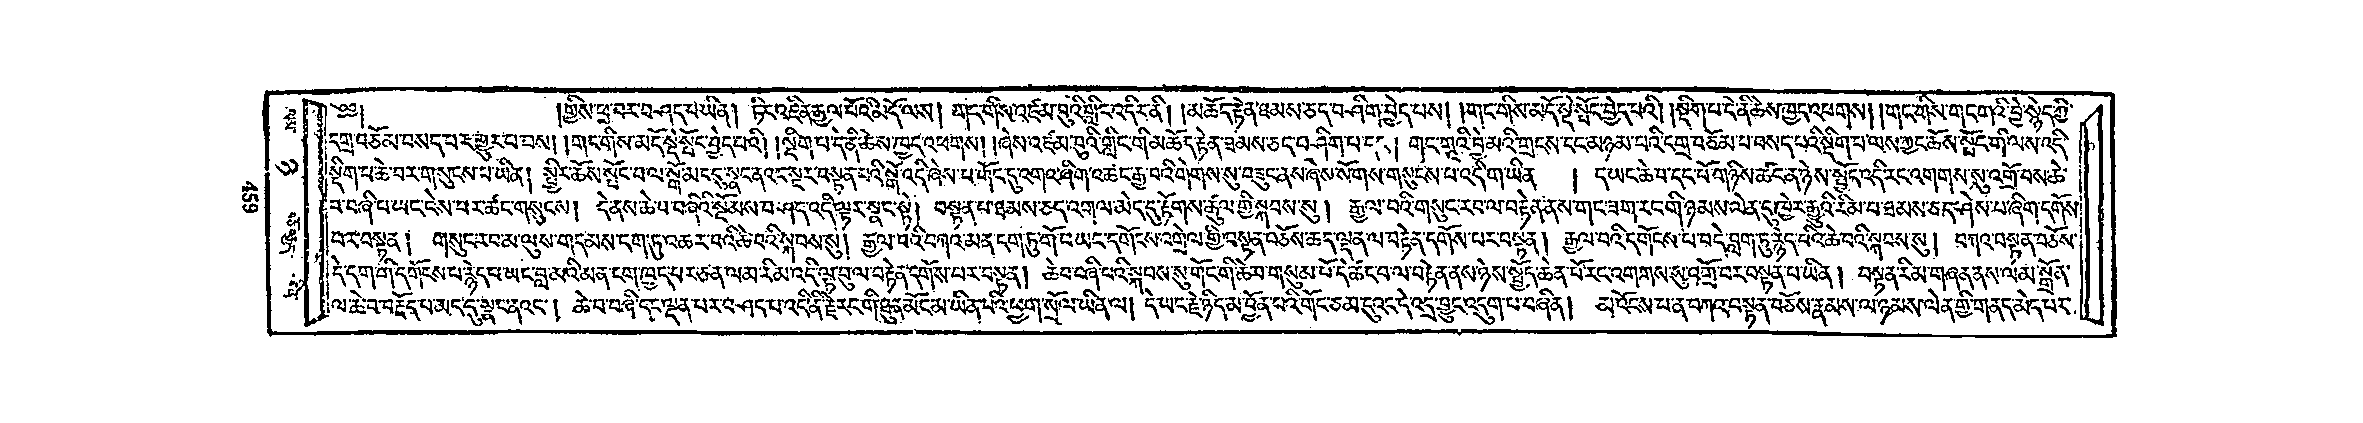༄༅། །གྱིས་ཕྲ་བར་བཤད་པ་ཡིན། ཏིང་འཛིན་རྒྱལ་པོའི་མདོ་ལས། གང་གིས་འཛམ་བུའི་གླིང་འདིར་ནི། །མཆོད་རྟེན་ཐམས་ཅད་བཤིག་བྱེད་པས། །གང་གིས་མདོ་སྡེ་སྤོང་བྱེད་པའི། །སྡིག་པ་དེ་ནི་ཆེས་ཁྱད་འཕགས། །གང་གིས་གང་གའི་བྱེ་སྙེད་ཀྱི་
དགྲ་བཅོམ་བསད་པར་གྱུར་བ་བས། །གང་གིས་མདོ་སྡེ་སྤོང་བྱེད་པའི། །སྡིག་པ་དེ་ནི་ཆེས་ཁྱད་འཕགས། །ཞེས་འཛམ་བུའི་གླིང་གི་མཆོད་རྟེན་ཐམས་ཅད་བཤིག་པ་དང་། གང་གཱའི་བྱེ་མའི་གྲངས་དང་མཉམ་པའི་དགྲ་བཅོམ་པ་བསད་པའི་སྡིག་པ་ལས་ཀྱང་ཆོས་སྤོང་གི་ལས་འདི་
སྡིག་པ་ཆེ་བར་གསུངས་པ་ཡིན། སྤྱིར་ཆོས་སྤོང་བ་ལ་སྒོ་མང་དུ་སྣང་ནའང་སྔར་བསྟན་པའི་སྒོ་འདི་ཞེས་པ་གོང་དུ་འགའ་ཞིག་འཚང་རྒྱ་བའི་གེགས་སུ་བཟུང་ནས་ཞེས་སོགས་གསུངས་པ་འདི་ག་ཡིན། ད་ཡང་ཆེ་བ་དང་པོ་གཉིས་ཚང་ན་ཉེས་སྤྱོད་འདི་རང་འགགས་སུ་འགྲོ་བས་ཆེ་
བ་བཞི་པ་ཡང་ངེས་པར་ཚང་གསུངས། དེ་ནས་ཆེ་བ་བཞིའི་སྡོམས་བཤད་འདི་ལྟར་སྣང་སྟེ། བསྟན་པ་ཐམས་ཅད་འགལ་མེད་དུ་རྟོགས་ཚུལ་གྱི་སྐབས་སུ། རྒྱལ་བའི་གསུང་རབ་ལ་བརྟེན་ནས་གང་ཟག་རང་གི་ཉམས་ལེན་དུ་ཁྱེར་རྒྱུའི་རིམ་པ་ཐམས་ཅད་ཤེས་པ་ཞིག་དགོས་
པར་བསྟན། གསུང་རབ་མ་ལུས་གདམས་ངག་ཏུ་འཆར་བའི་ཆེ་བའི་སྐབས་སུ། རྒྱལ་བའི་བཀའ་མན་ངག་ཏུ་གོ་བ་ཡང་དགོངས་འགྲེལ་གྱི་བསྟན་བཅོས་ཆད་ལྡན་ལ་བརྟེན་དགོས་པར་བསྟན། རྒྱལ་བའི་དགོངས་པ་བདེ་བླག་ཏུ་རྙེད་པའི་ཆེ་བའི་སྐབས་སུ། བཀའ་བསྟན་བཅོས་
དེ་དག་གི་དགོངས་པ་རྙེད་པ་ཡང་བླ་མའི་མན་ངག་ཁྱད་པར་ཅན་ལམ་རིམ་འདི་ལྟ་བུ་ལ་བརྟེན་དགོས་པར་བསྟན། ཆེ་བ་བཞི་པའི་སྐབས་སུ་གོང་གི་ཆེ་བ་གསུམ་པོ་དེ་ཚང་བ་ལ་བརྟེན་ནས་ཉེས་སྤྱོད་ཆེན་པོ་རང་འགགས་སུ་འགྲོ་བར་བསྟན་པ་ཡིན། བསྟན་རིམ་གཞན་ནས་ལམ་སྒྲོན་
ལ་ཆེ་བ་བརྗོད་པ་མང་དུ་སྣང་ནའང་། ཆེ་བ་བཞི་དང་ལྡན་པར་བཤད་པ་འདི་ནི་རྗེ་རང་གི་ཐུན་མོང་མ་ཡིན་པའི་ཕྱག་སྲོལ་ཡིན་ལ། དེ་ཡང་རྗེ་ཉིད་མ་བྱོན་པའི་གོང་ཅམ་དུའང་དེ་འདྲ་བྱུང་འདུག་པ་བཞིན། མ་འོངས་པ་ན་བཀའ་བསྟན་བཅོས་རྣམས་ལ་ཉམས་ལེན་གྱི་གནད་མེད་པར་